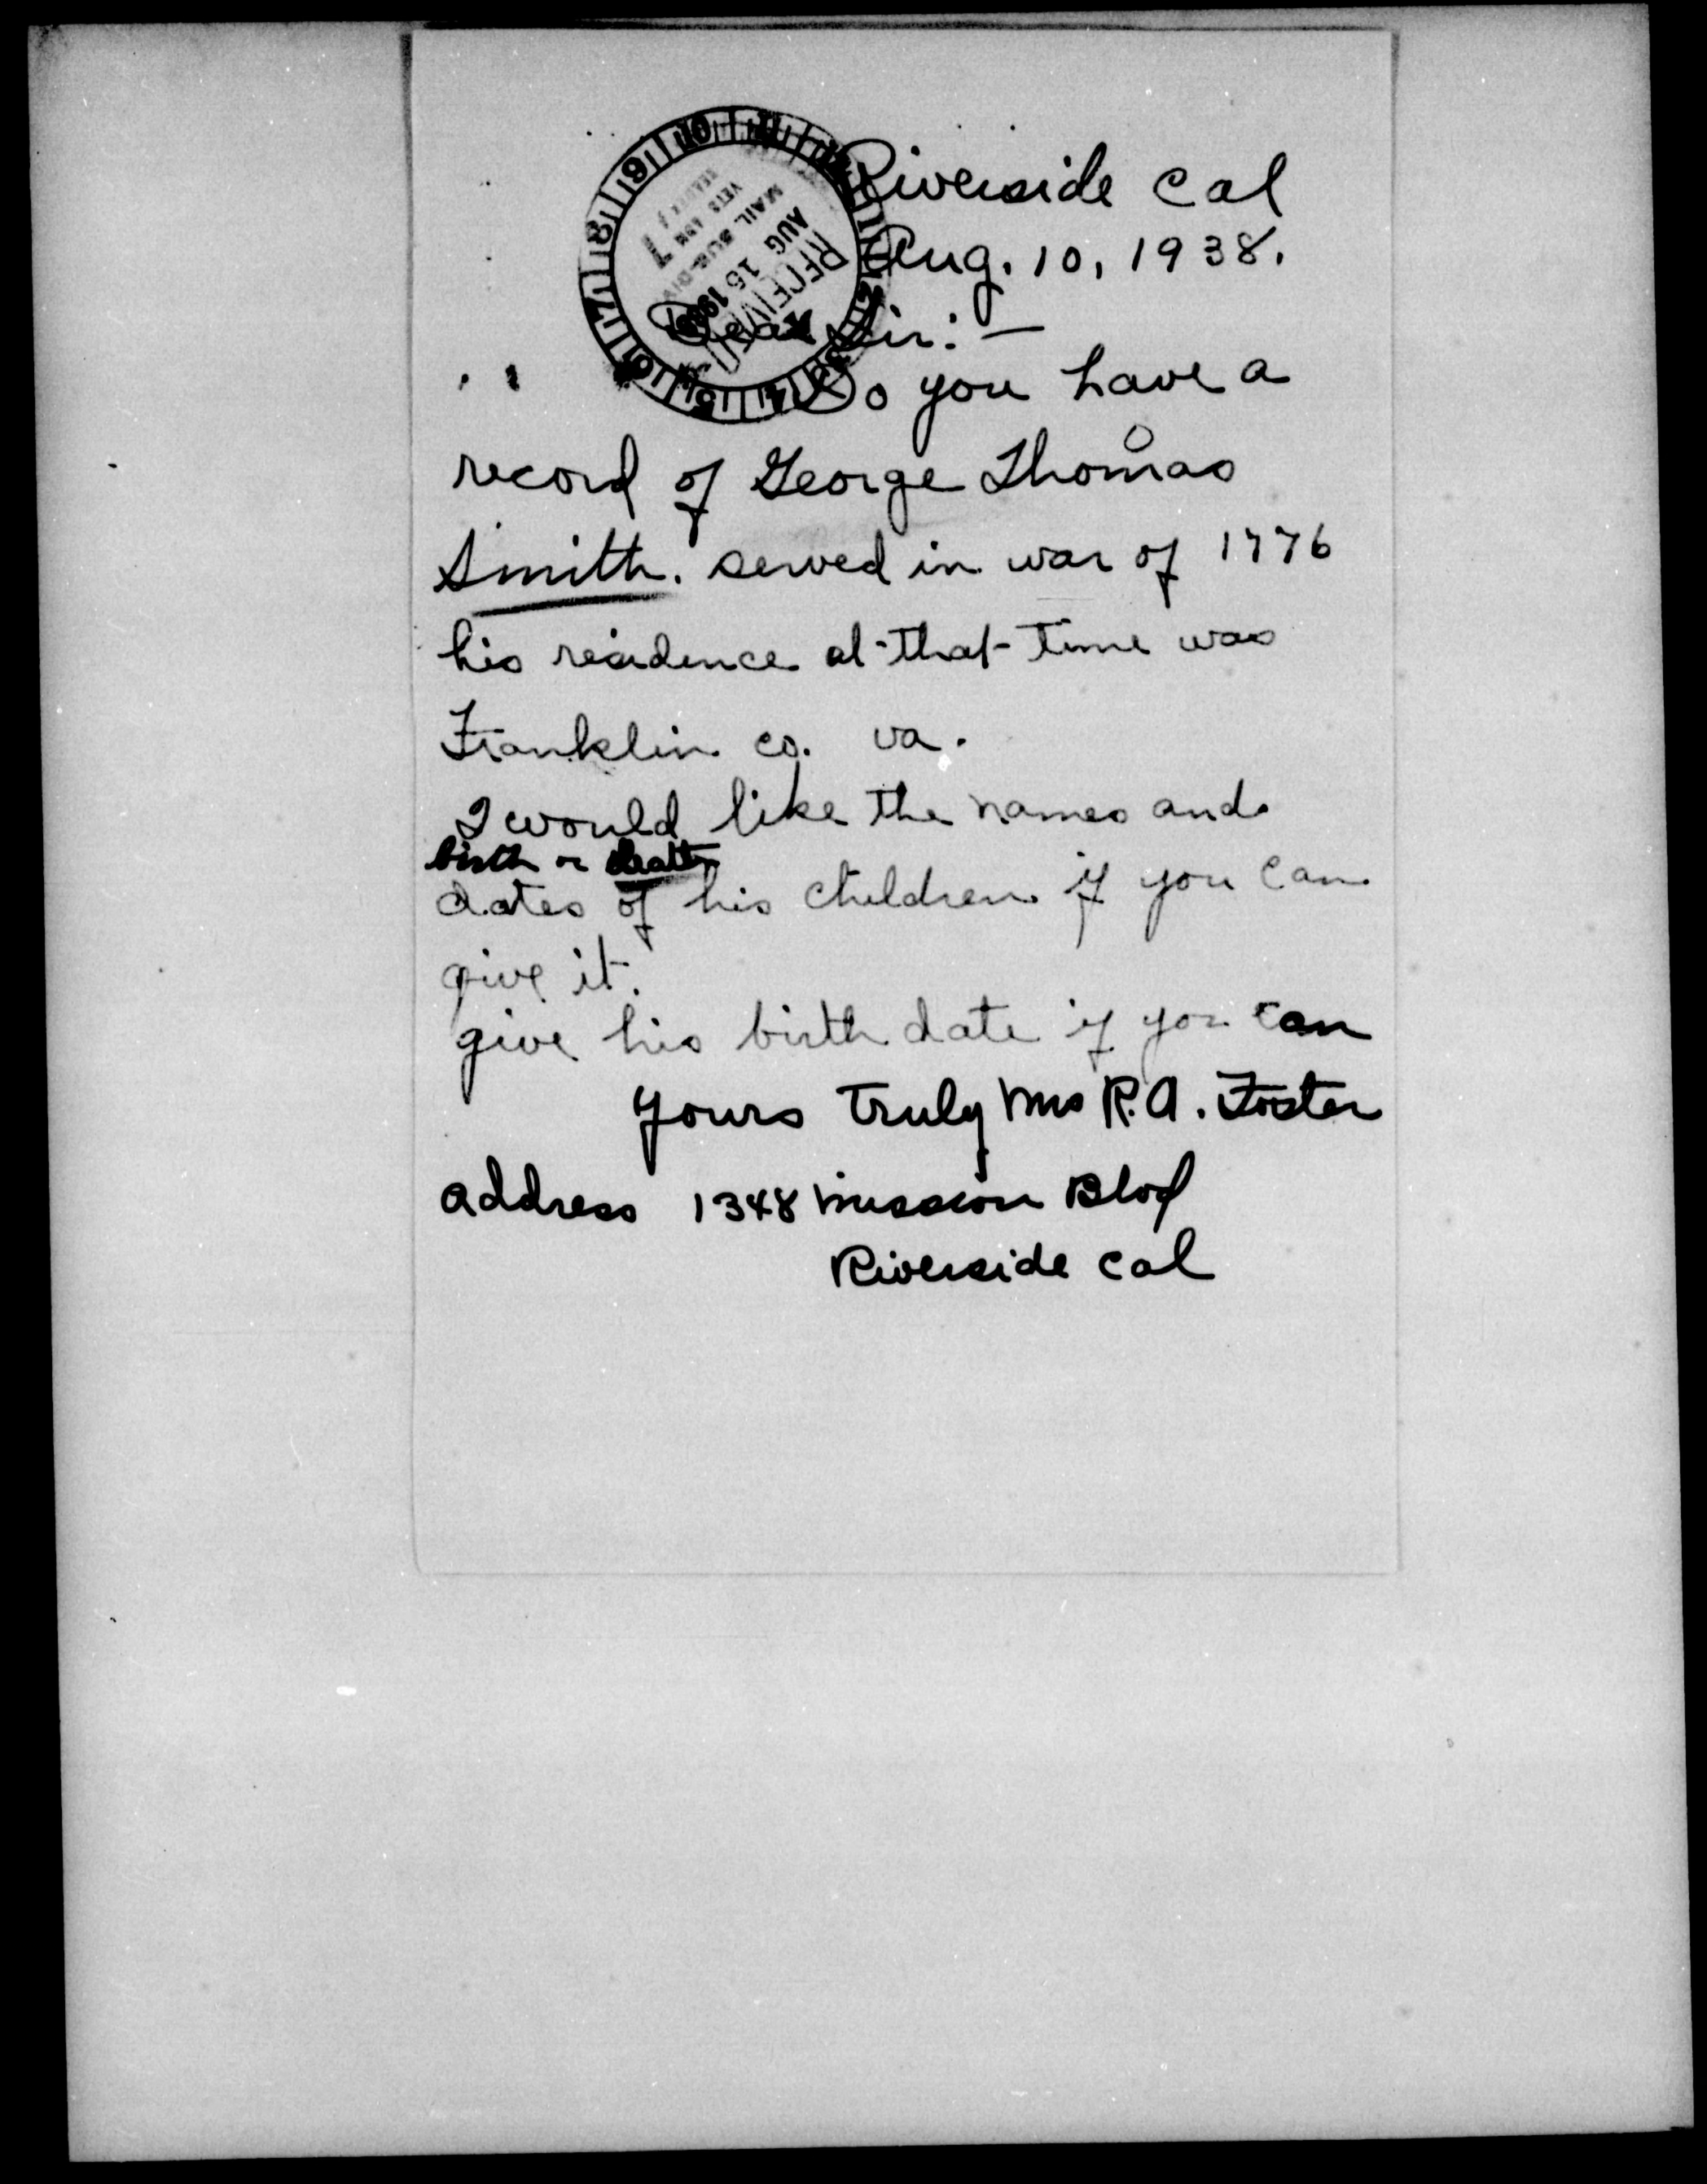{Ink stamp} RECEIVED AUG 16, 1938 MAIL SUB. DIV. VETS ADM {illegible}
Riverside Cal
Aug. 10, 1938 
Sir: - 
Do you have a record of George Thomas Smith. served in war of 1776
his residence at that time was Franklin C. Va. 
I would like the names and dates birth or death of his children if you can give it.
give his birth date if you can
Yours truly Mrs. R. A. Foster
address 1348 Mission Blvd
Riverside Cal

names: George Thomas Smith; R A Foster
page: 14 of 16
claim: survivor's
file: S. 38,386, for George Smith, Virginia